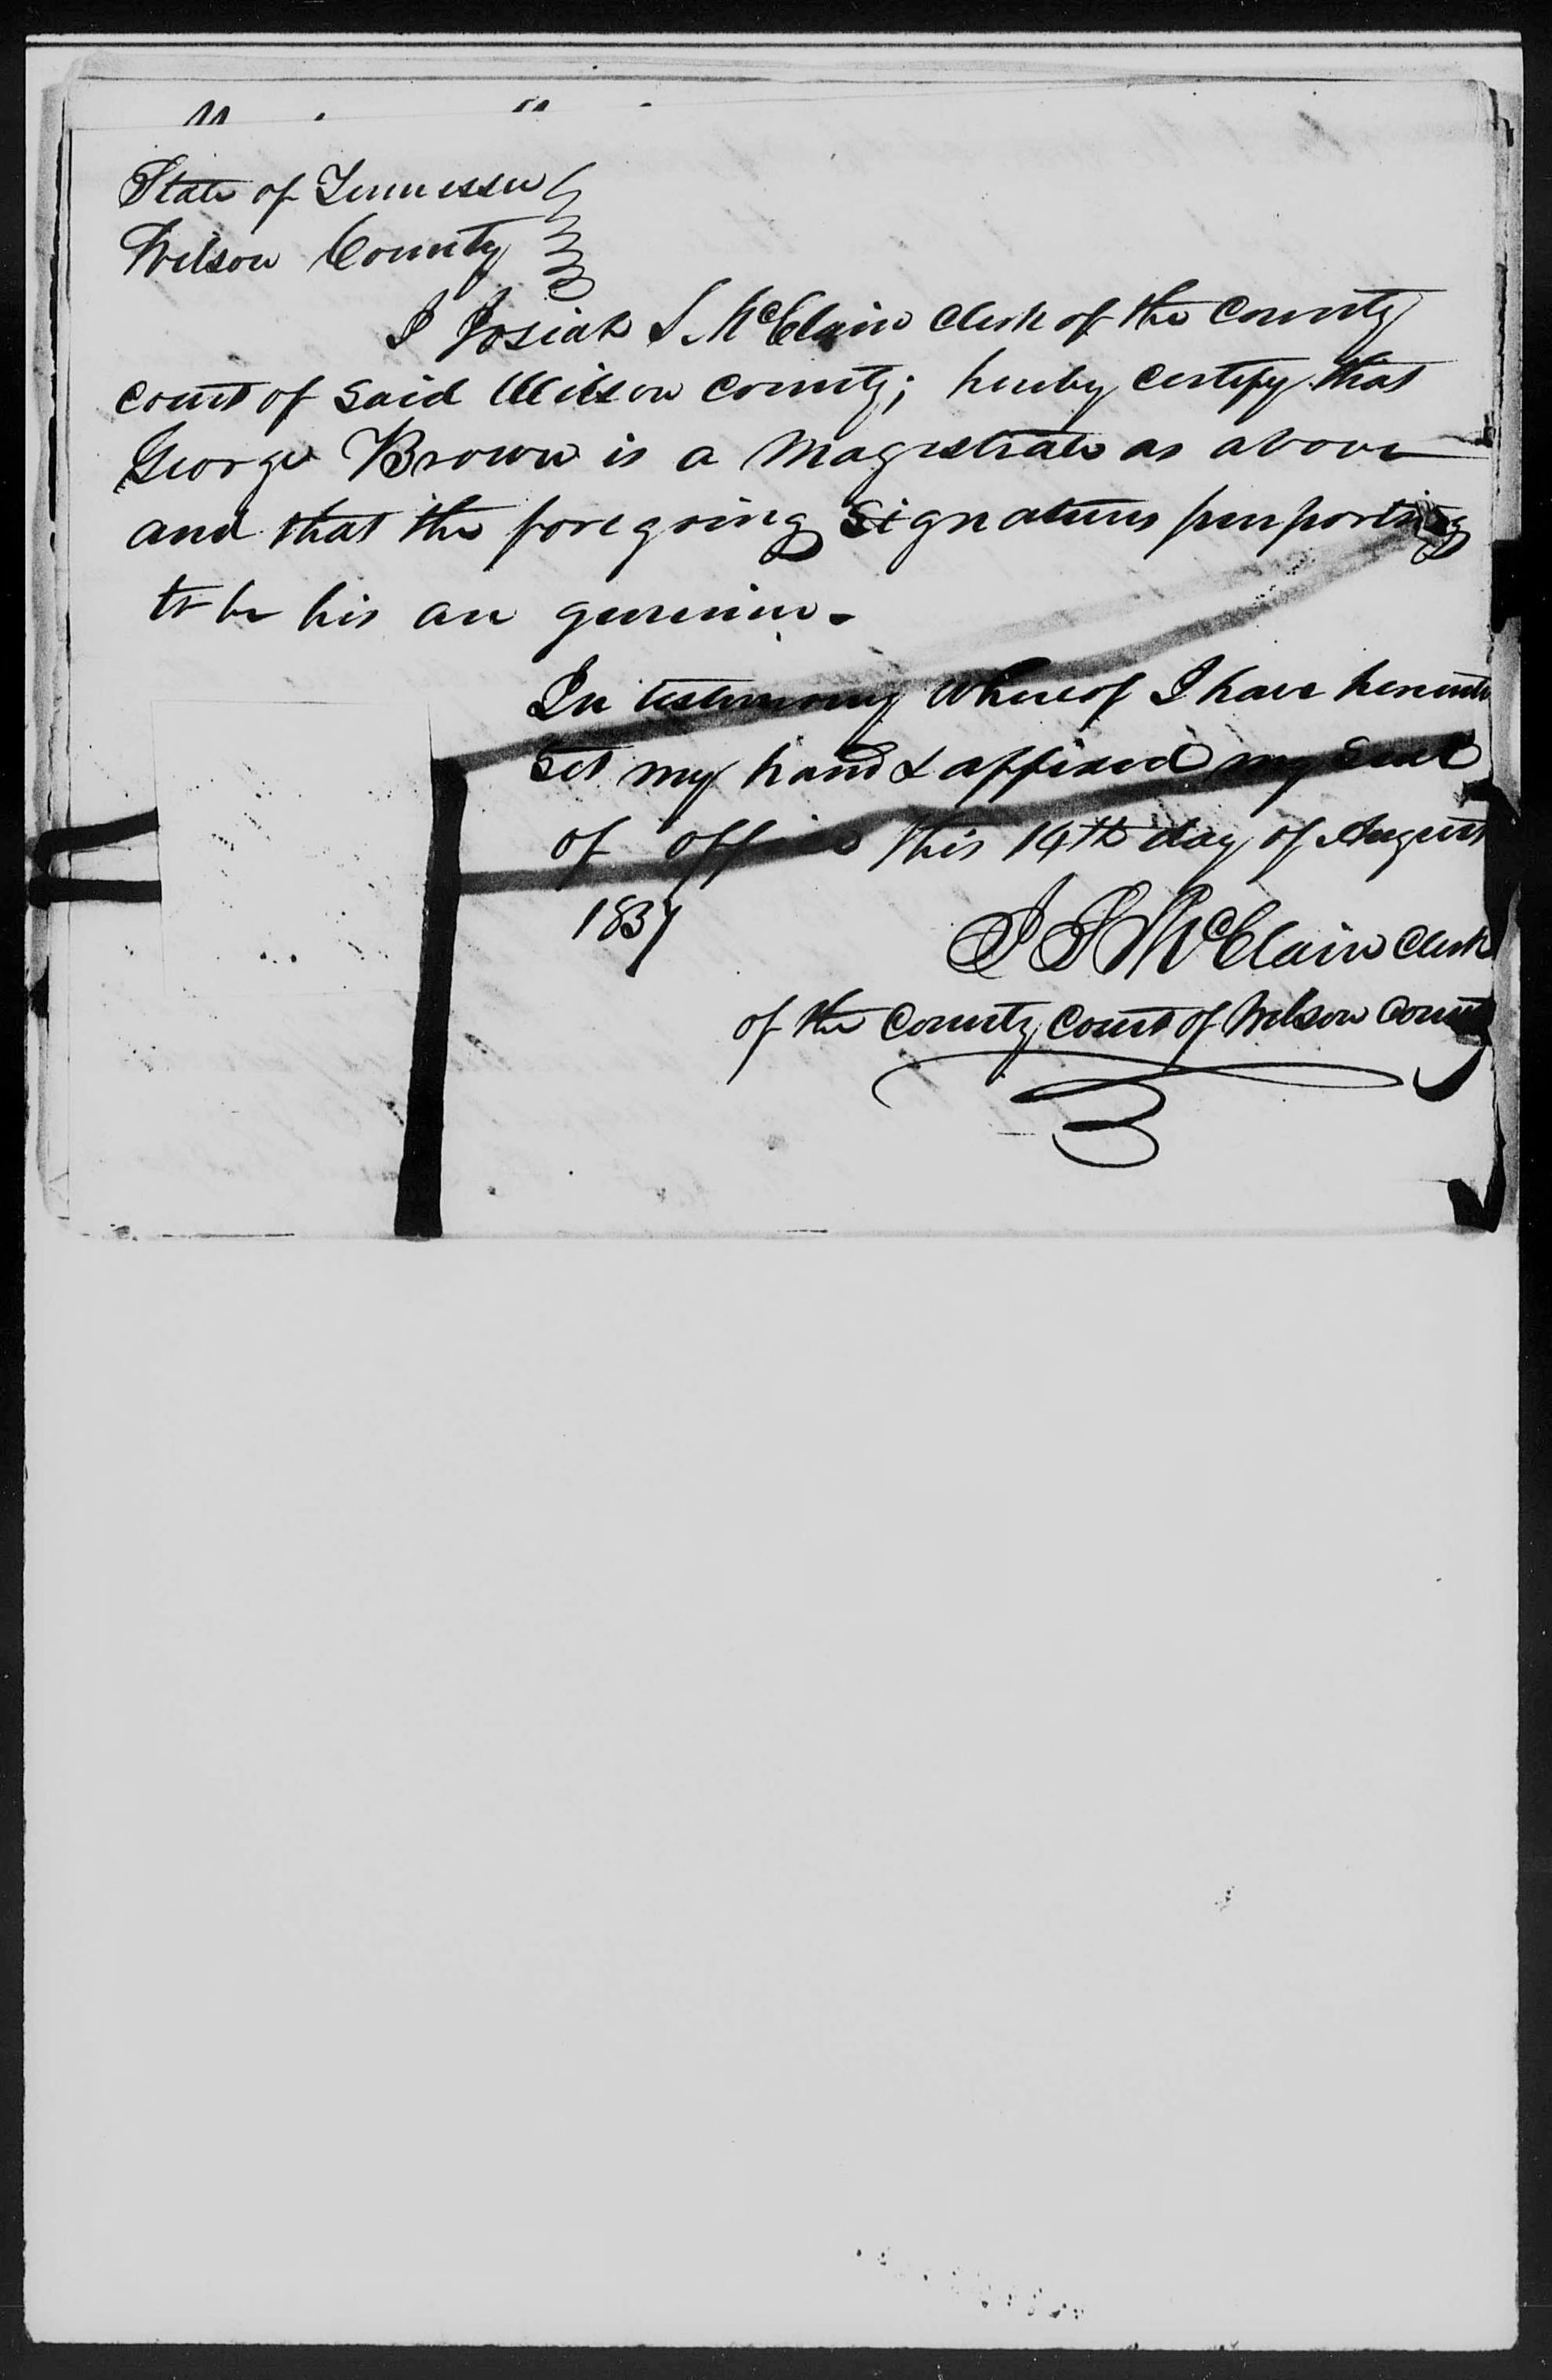State of Tennessee}
Wilson County}
I Josiah S McClain clerk of the county court of said Wilson County; hereby certify that George Brown is a magistrate as above and that this foregoing signatures [illegible] to be his as genuine. 
In testimony whereof I have [illegible] and my hand & affirmed any [illegible due to heavy ink marks]
 Of office this 19th day of August 1837
JS McClain Clerk 
Of the County Court of Wilson County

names: J S Mc Clain, George Brown, Josiah S Mc Clain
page: 60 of 62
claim: widow's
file: W 7005, Frederick Debow, N.C.